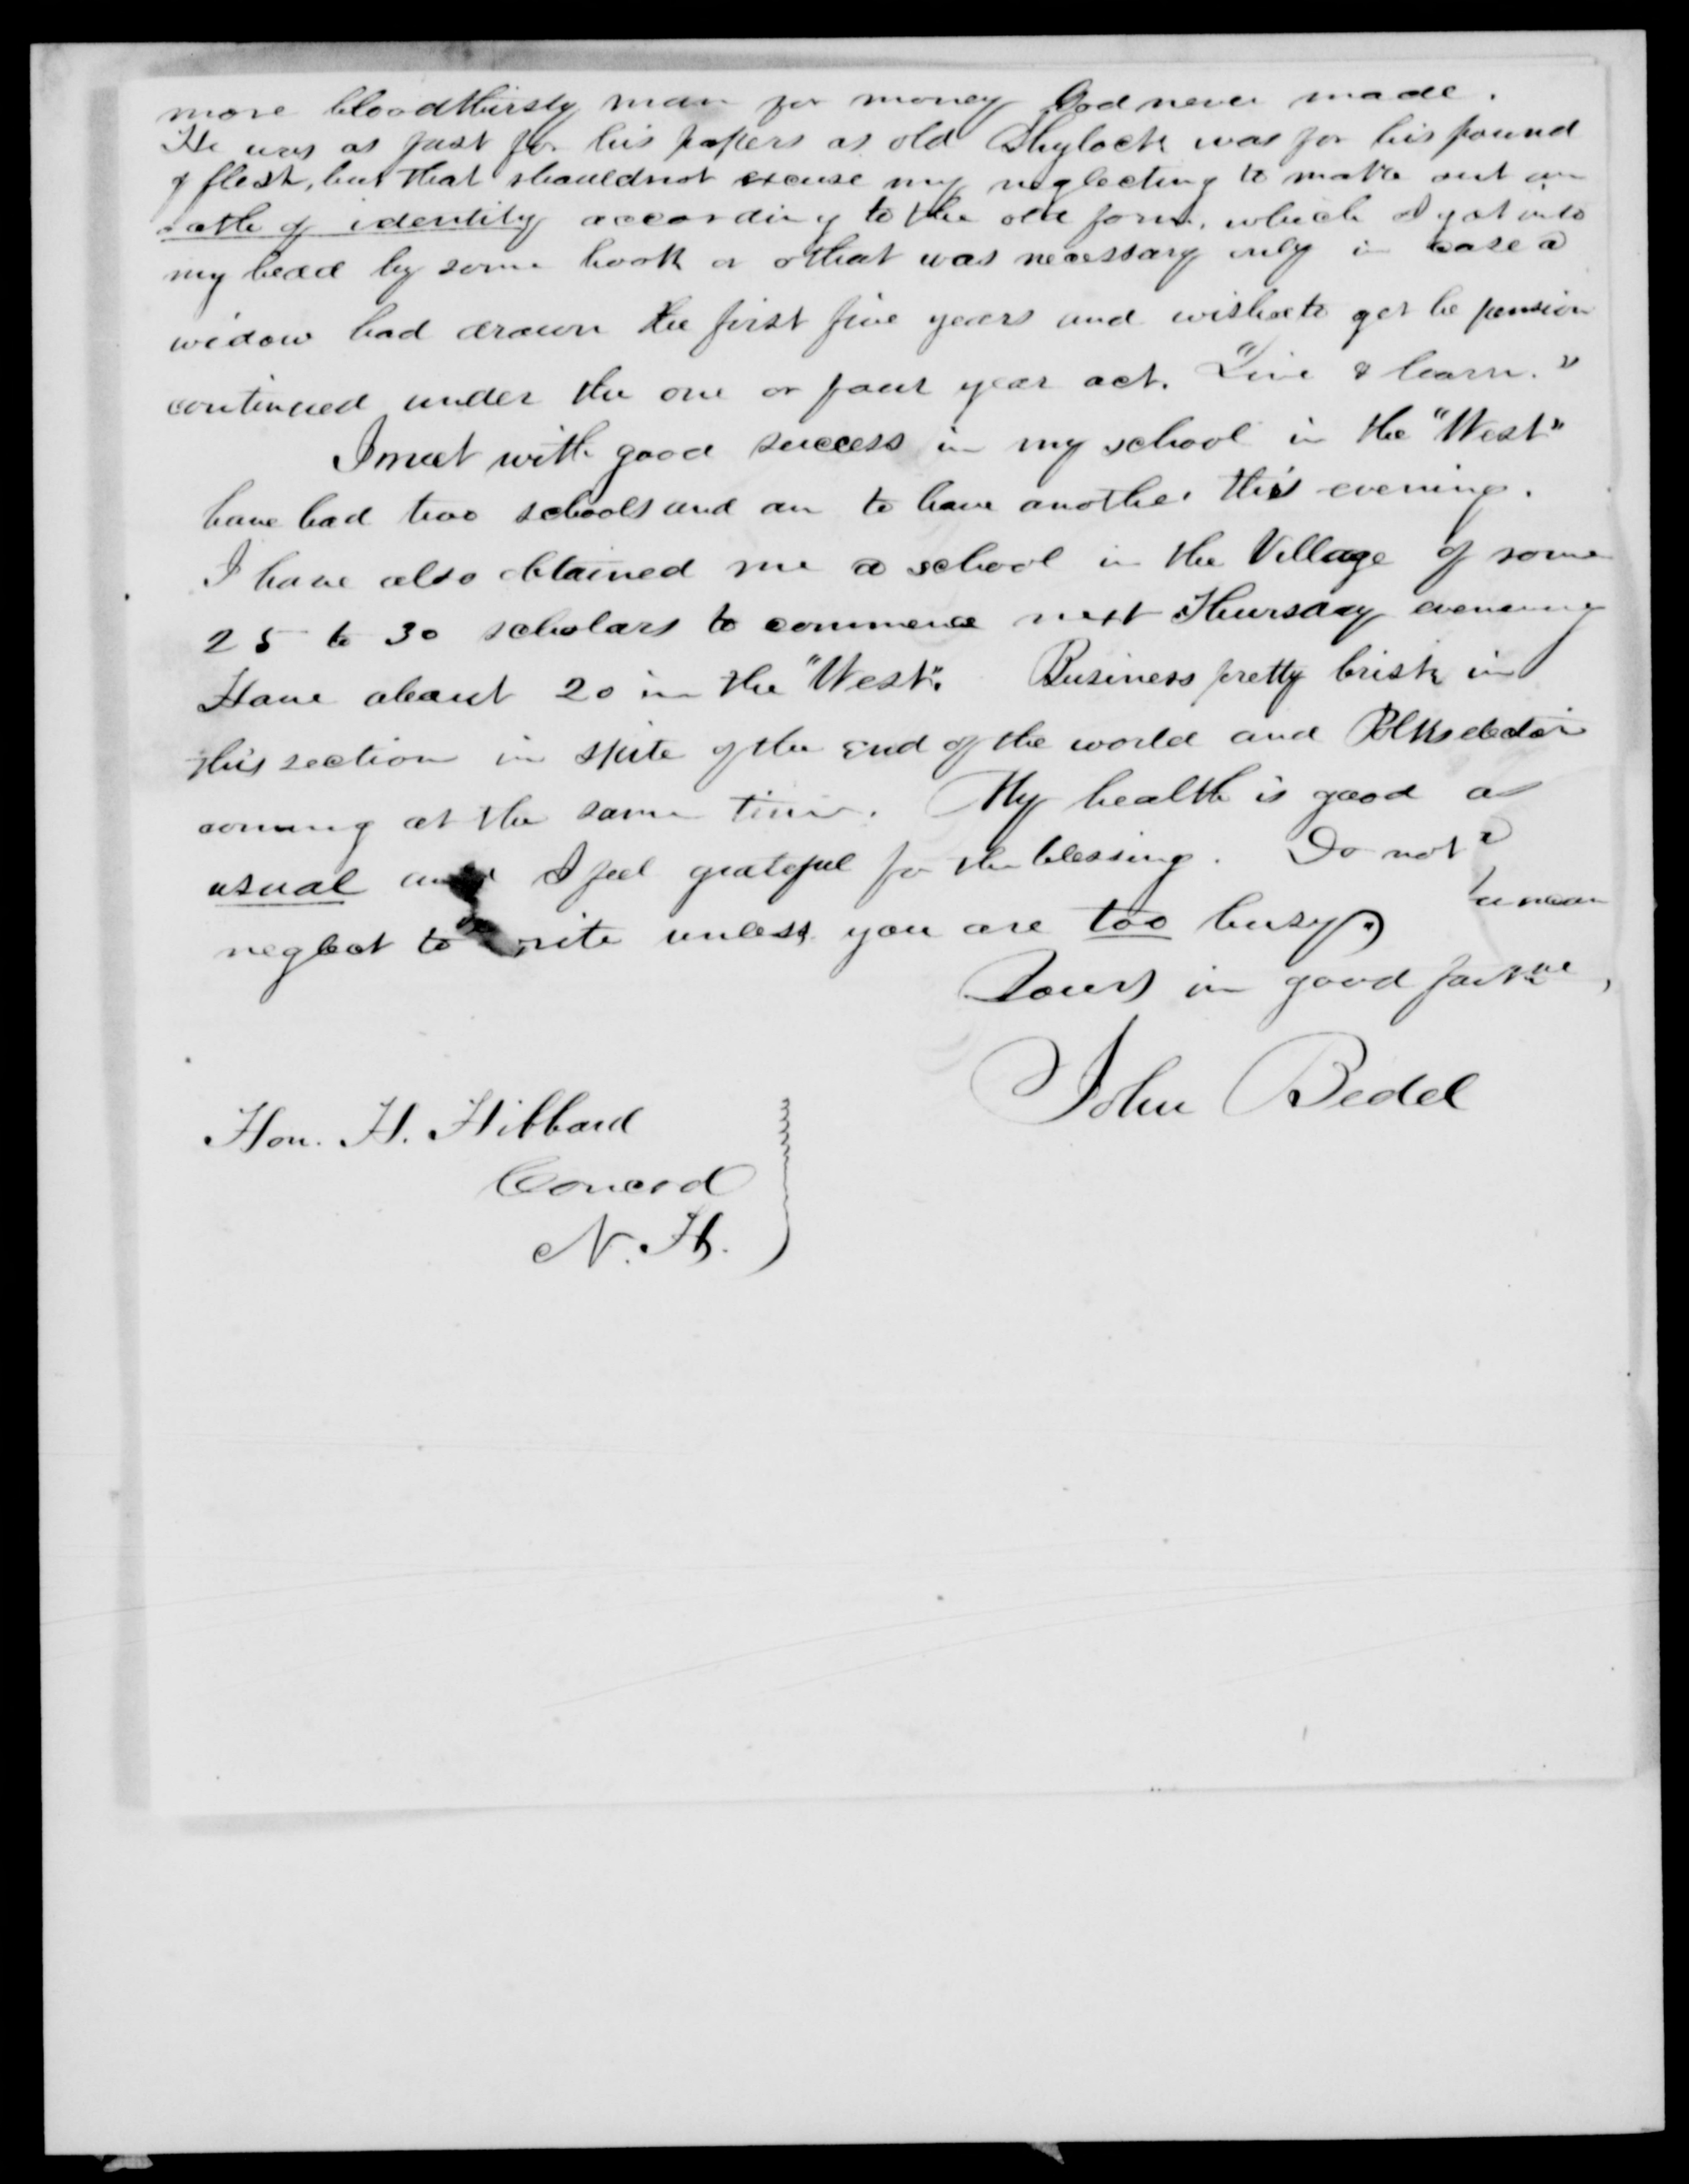more bloodthirsty man for money God never made.
He was as past for his papers as old Shylock was for his pound
of flesh, but that should not excuse my neglecting to make out an
oath of identity according to the old form, which I got into
my head by some book or that was necessary only in case a
widow had drawn the first five years and wishes to get be pension
continued under the one or four year act. Live & learn.
I meet with good success in my school in the "West"
have had two schools and am to have another this evening.
I have also obtained me a school in the Village of some
25 to 30 scholars to commence next Thursday evening
Have about 20 in the "West". Business pretty brisk in
this section in spite of the end of the world and [unintelligible]
coming at the same time. My health is good as
usual and I feel grateful for the blessing. Do not
neglect to write unless you are too busy.
Yours in good faith,
John Bedel
Hon. H. Hibbard
Concord
N. H.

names: H Hibbard, John Bedel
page: 53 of 78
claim: widow's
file: W. 25856, Samuel Way, N.H.